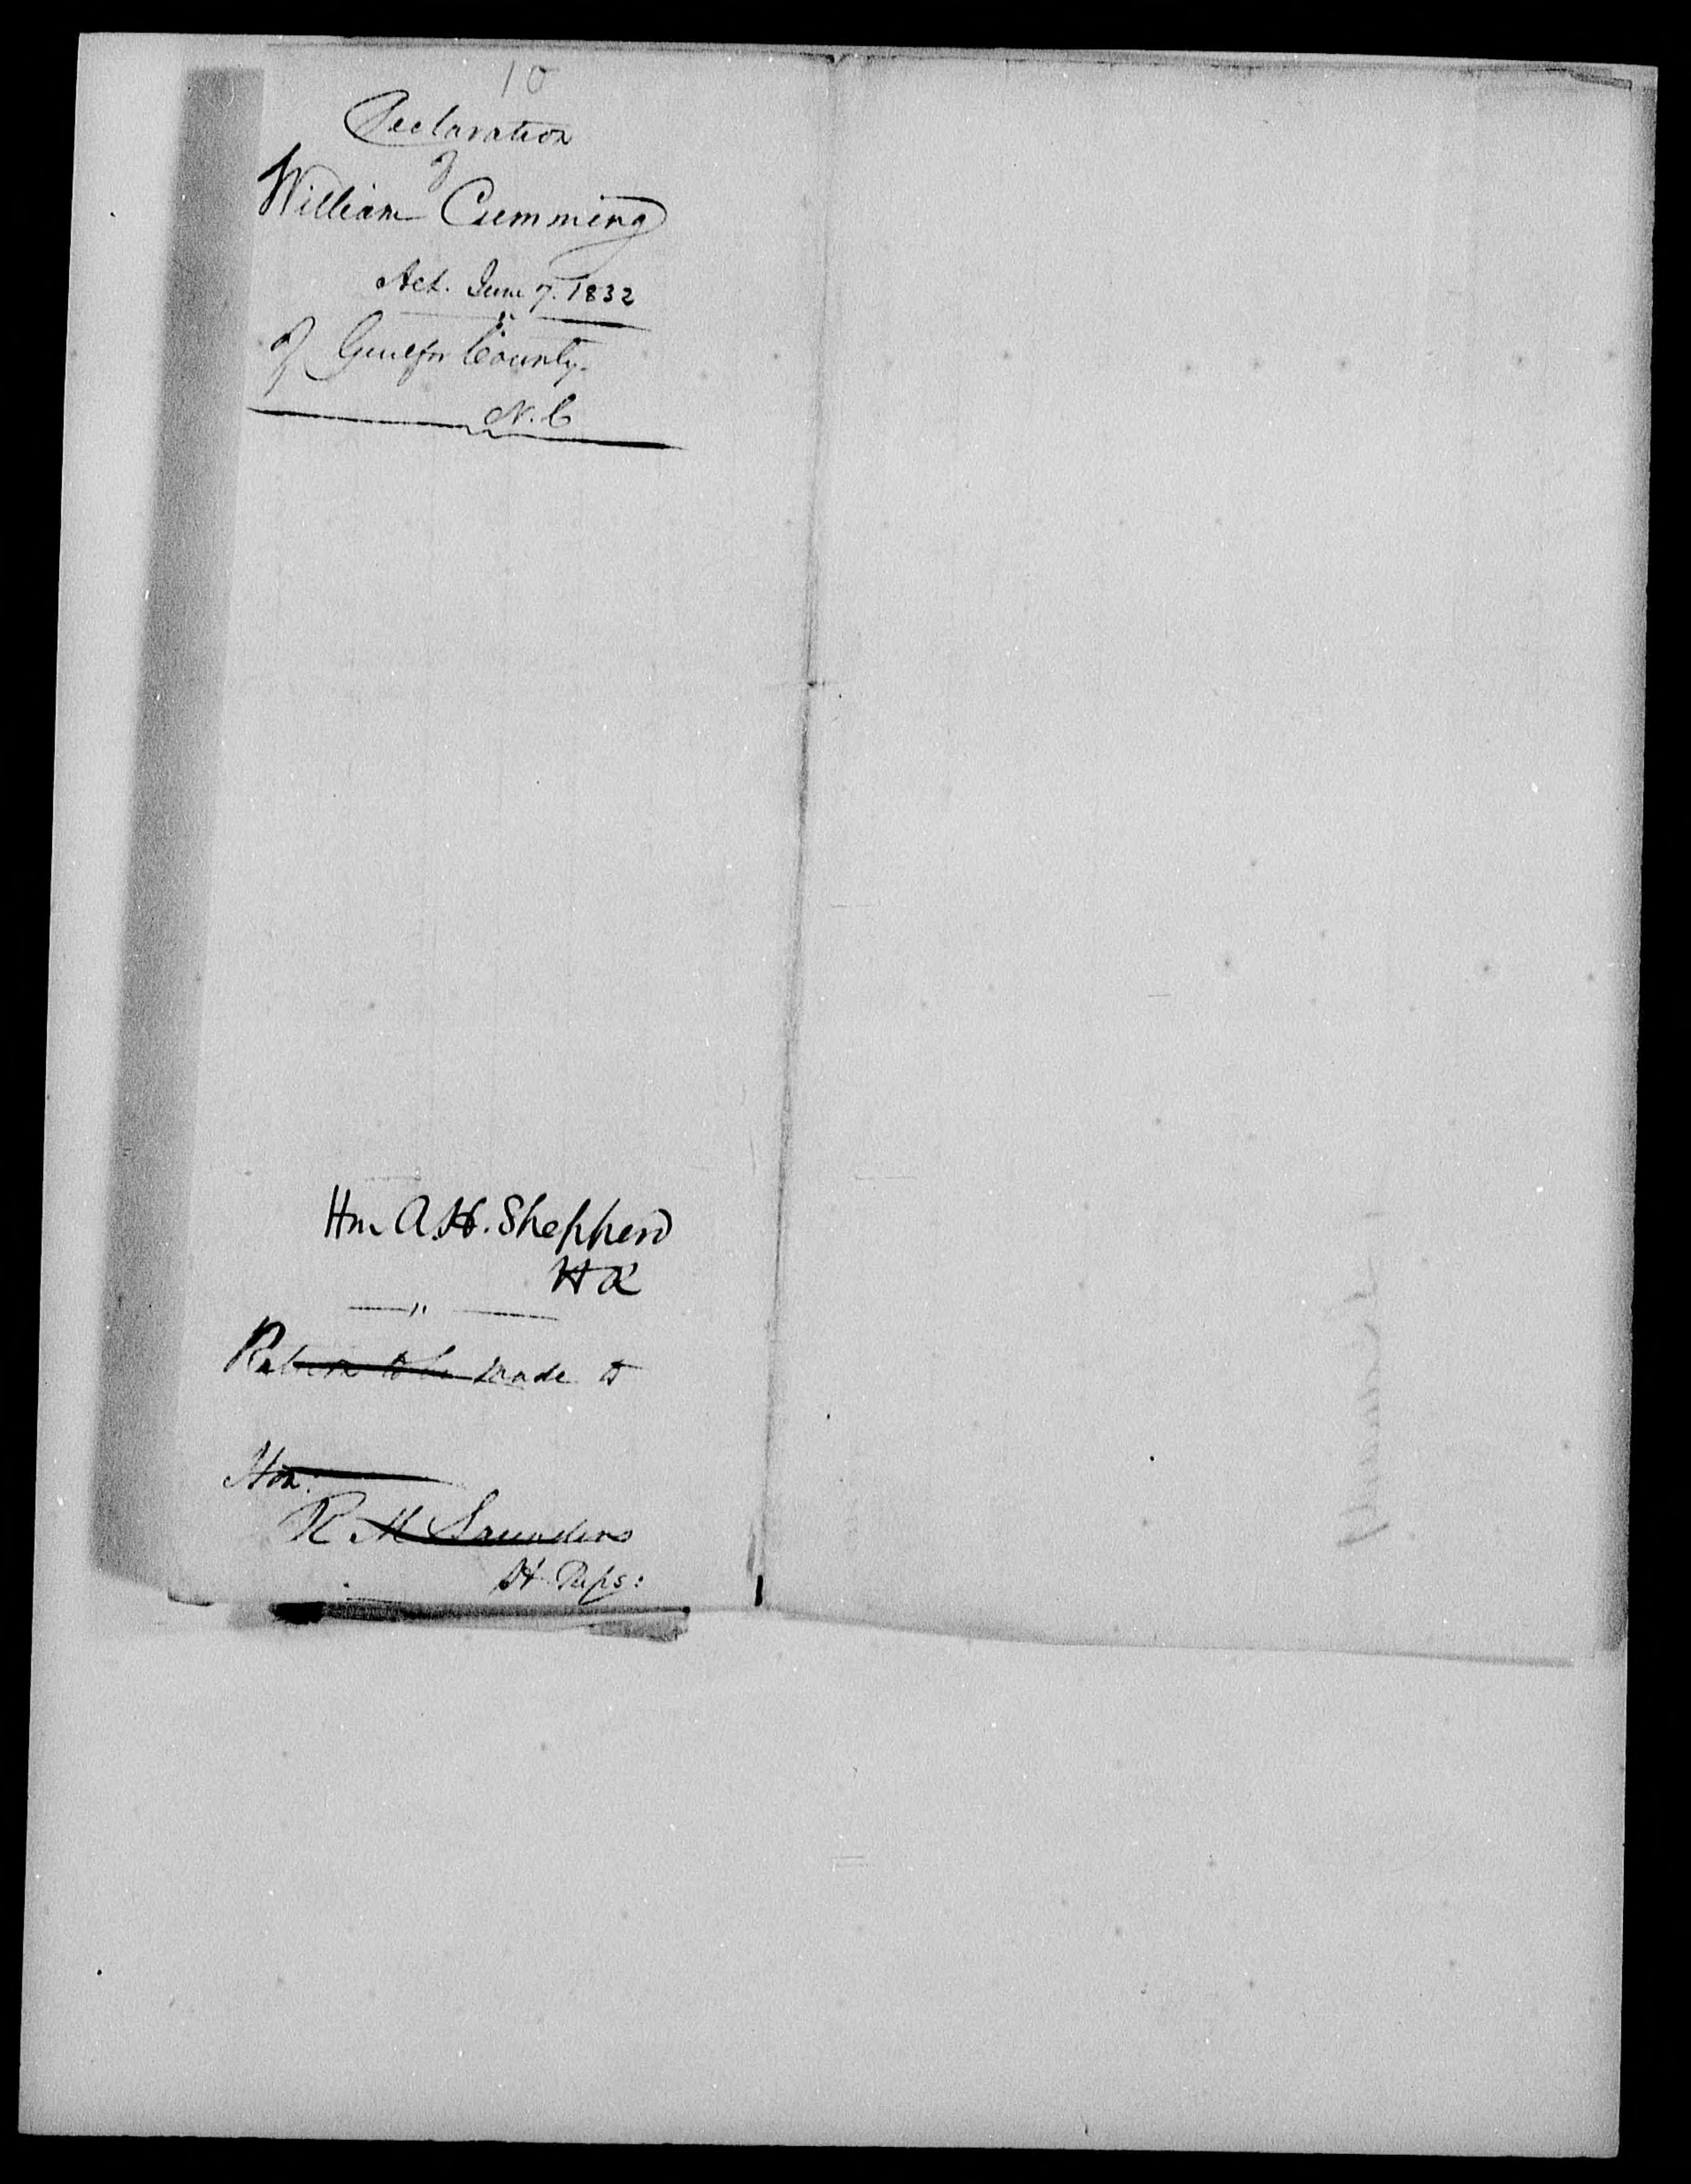[Handwritten document with a fold down the middle, and with text on the left side of the page.]

[In what appears to be light pencil] 10
[In ink:]
declaration of William Cumming
Act June 7. 1832
_________________________________________
of Guilfor [Guilford] County.
N.C [North Carolina] 
________________________________________



[Near the bottom, in darker ink:]
Hon A. H. Shepperd
HR [House of Representatives]
_________"____________________________

[Here the following three lines have been mostly crossed through:]
Return to be made to
Hon 
R M Saunders
H. Reps: [House of Representatives]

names: A H Shepperd, R M Saunders, William Cumming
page: 70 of 145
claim: survivor's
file: S. 8265, William Cumming, N.C.